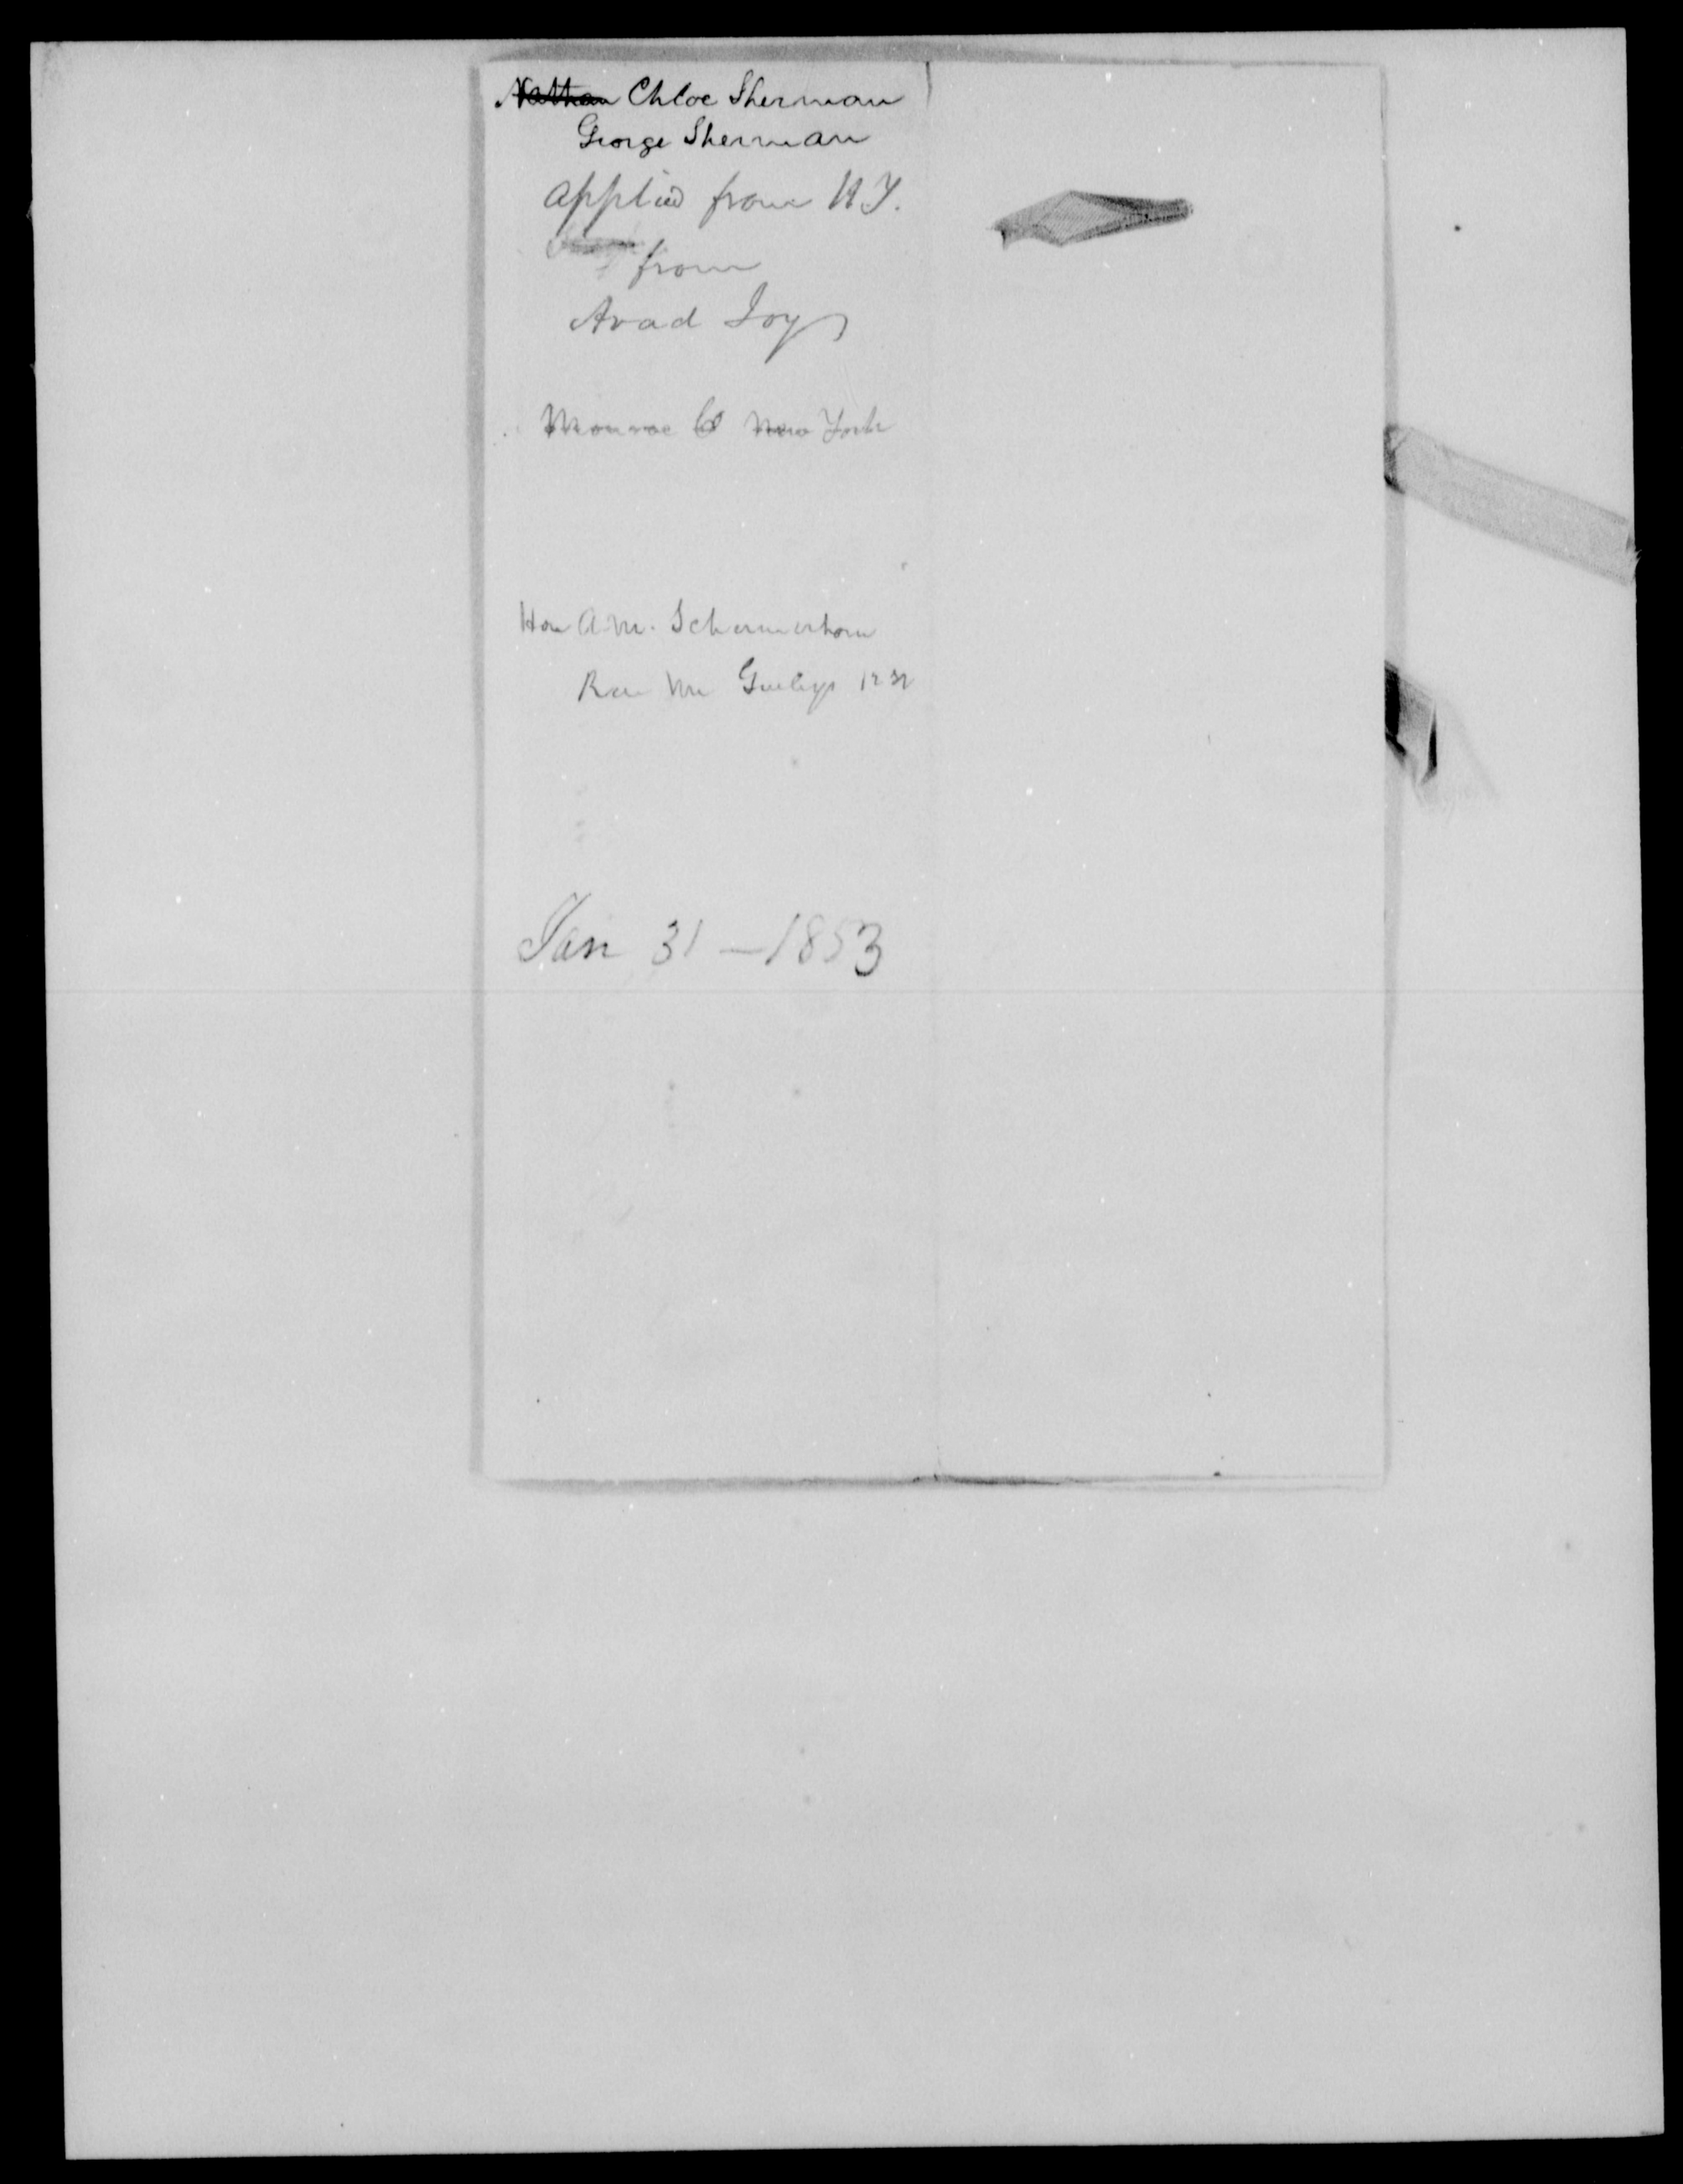Nathan [stricken]
Chloe Sherman
George Sherman
applied from NY
from
Arad Joy
Monroe New York
Hon A. M. Schemerhous
Rev M Gyely 122
Jan 31 - 1853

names: Arad Joy; George Sherman; [BLANK] Guiley; A M Schermerhorn; Chloe Sherman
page: 2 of 52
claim: rejected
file: R. 9493, for George Sherman, Vermont